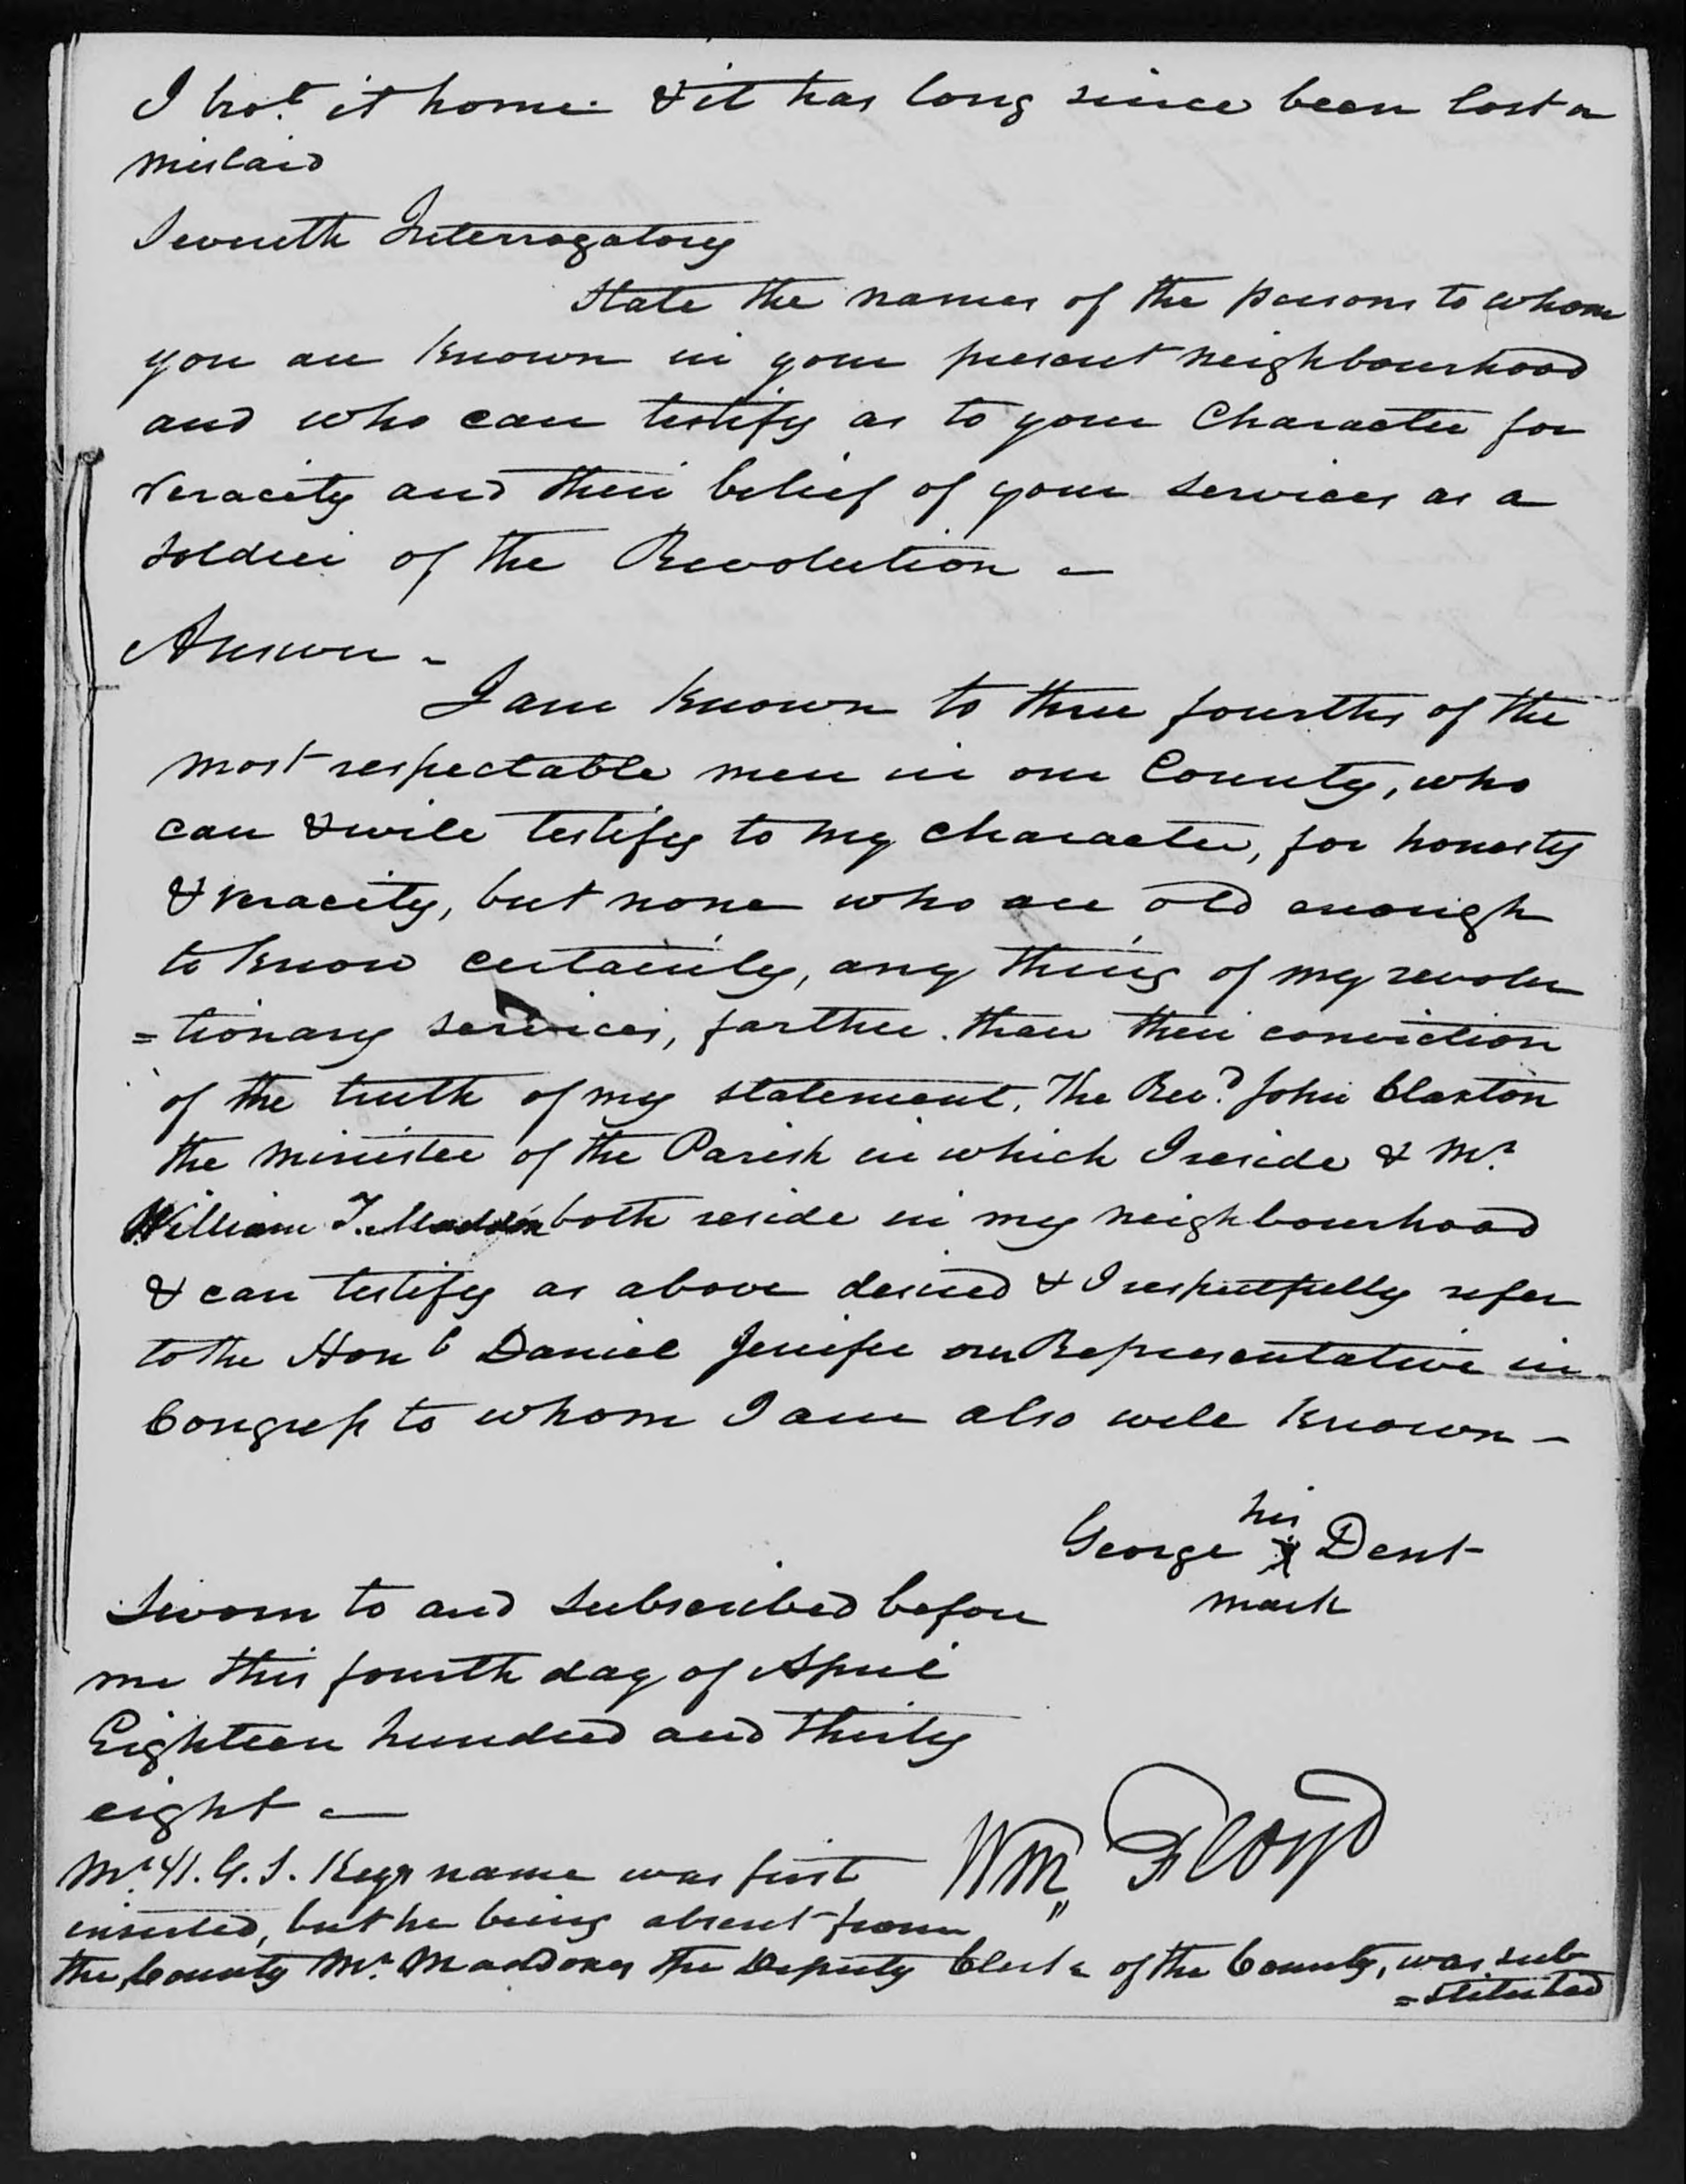I hot it home & it has long since been lost or
mislaid
Seventh Interrogatory
State the names of the persons to whom
you are known in your present neighbourhood
and who can testify as to your character for
veracity and their belief of your services as a
soldier of the Revolution-
Annon
I am known to three fourths of the
most respectable men in our County, who
can & will testify to my character for honesty & veracity, but none who are old enough
to know certainly, any thing of my revolutionary services, further than their conviction of the truth of my statement. The Rev? John Blaxton the minister of the Parish in which I reside & Mr. William T. Maddon both reside in my neighbourhood & can testify as above descred & I respectfully refer to
the Hon Daniel Jenifee our Representative in
Congress to whom I am also well known-

George Dent
mark

Sworn to and subscribed before me this fourth day of April
Eighteen hundred and thirty
eight-
Mr. H. G. S. Keys name was first
Wm Floyd
inserted, but he being absent from
the County Mr. Maddon The Deputy Clerk of the County, was sub-
Stated ┃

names: Maddox, William T Maddox, John Claxton, Wm Floyd, H G S Keys, George Dent, Daniel Jenifer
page: 11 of 49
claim: survivor's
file: S. 12755, George Dent, Md.